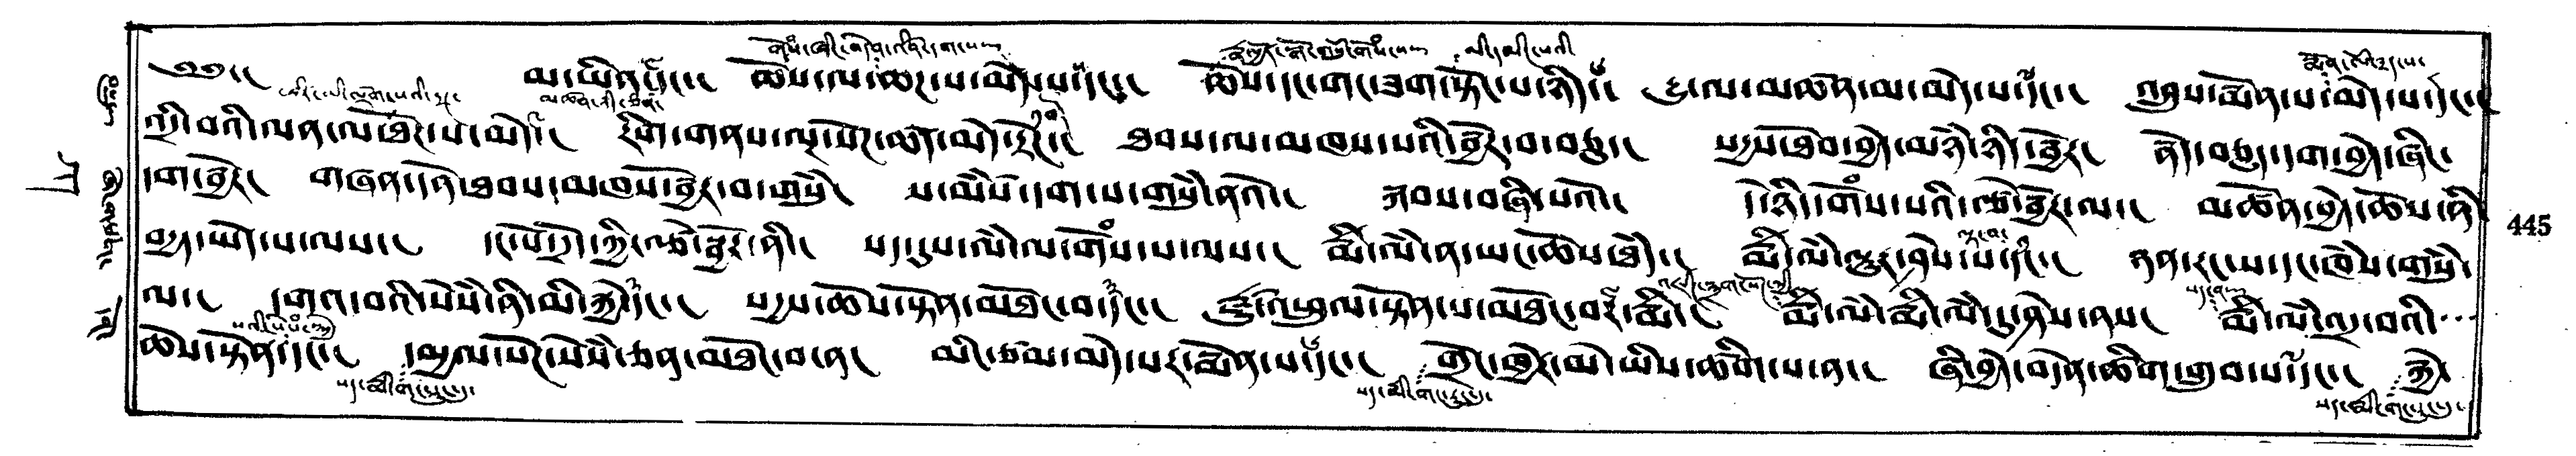མ་ཡིན་མཚན་ཉིད་ཅན་དང་།། ཆོས་ལ་གོམས་ཞིང་བདེན་འཛིན་དག་པས་ཆགས་པ་མེད་པ་དང་། རྣལ་འབྱོར་སྒོ་གསུམ་གོམས་པས་ཆོས་དང་གང་ཟག་མི་དམིགས་པའི་སྟོང་པ་ཉིད། །རྒྱུ་ལ་མཚན་མ་མེད་པ་དང་། །འབྲས་བུ་སྨོན་པ་སྨོན་ལམ་ཟད་པ་མེད་པ་དང་། །
འདྲི་བའི་ལན་ལ་ཐོགས་པ་མེད།། ཕྱིར་མི་ལྡོག་པའི་རྟགས། རིག་གནས་ལྔ་སོགས་ཚད་མེད་རྟོགས། །ཐབས་ལ་མཁས་པའི་སྦྱོར་བ་བཅུ། །སངས་རྒྱས་འཐོབ་བྱེད་མཉམ་ཉིད་སྦྱོར། །སྣོད་བཅུད་དག་བྱེད་ཞིང་
དག་སྦྱོར། །གཞན་དོན་ཐབས་མཁས་སྦྱོར་བ་གསུམ། །ས་མཚམས་དག་པ་གསུམ་ནའོ།། །སྐབས་བཞི་པའོ།། དེ་ཉིད་གོམས་པའི་རྩེ་སྦྱོར་ལ། །མཚོན་བྱེད་ཆོས་ནི་
བརྒྱད་ཡོད་པ་ལས། །དང་པོ་དྲོད་ཀྱི་རྩེ་སྦྱོར་ནི། །སད་དུས་ལམ་ལ་གོམས་པ་ལས། །རྨི་ལམ་ན་ཡང་ཆོས་ཐམས་ཅད། །རྨི་ལམ་ལྟ་བུར་ཤེས་པ་དང་། ལྟ་བནི། ཉན་རང་ས་དང་ཁམས་གསུམ་
ལ། །དགའ་བའི་སེམས་ནི་མི་སྐྱེ་དང་། །སངས་རྒྱས་ཆོས་སྟོན་མཐོང་བ་དང་། །རྫུ་འཕྲུལ་སྟོན་པ་མཐོང་བར་རྨི།འཇིགས་སྐྲག་སོགས་ཀྱི་རྨི་ལམ་རྨི་ལམ་དུ་ཤེས་ནས།། སད་ནས་རྨི་ལམ་འདྲ་བའི་
ཆོས་སྟོན་པའི་སེམས་སྐྱེ་དང་།། སད་རྨི་གང་རུང་དུ་དམྱལ་སོགས་སེམས་ཅན་མཐོང་བ་ན། །མིང་ཙམ་མེད་པར་སྨོན་པ་དང་།། སད་རྨི་གང་རུང་དུ་གྲོང་ཁྱེར་མེ་ཡིས་ཚིག་པ་ན། །ཞི་བྱེད་བདེན་ཚིག་གྲུབ་པ་དང་།། སད་རྨི་གང་རུང་དུ་སྐྱེ་